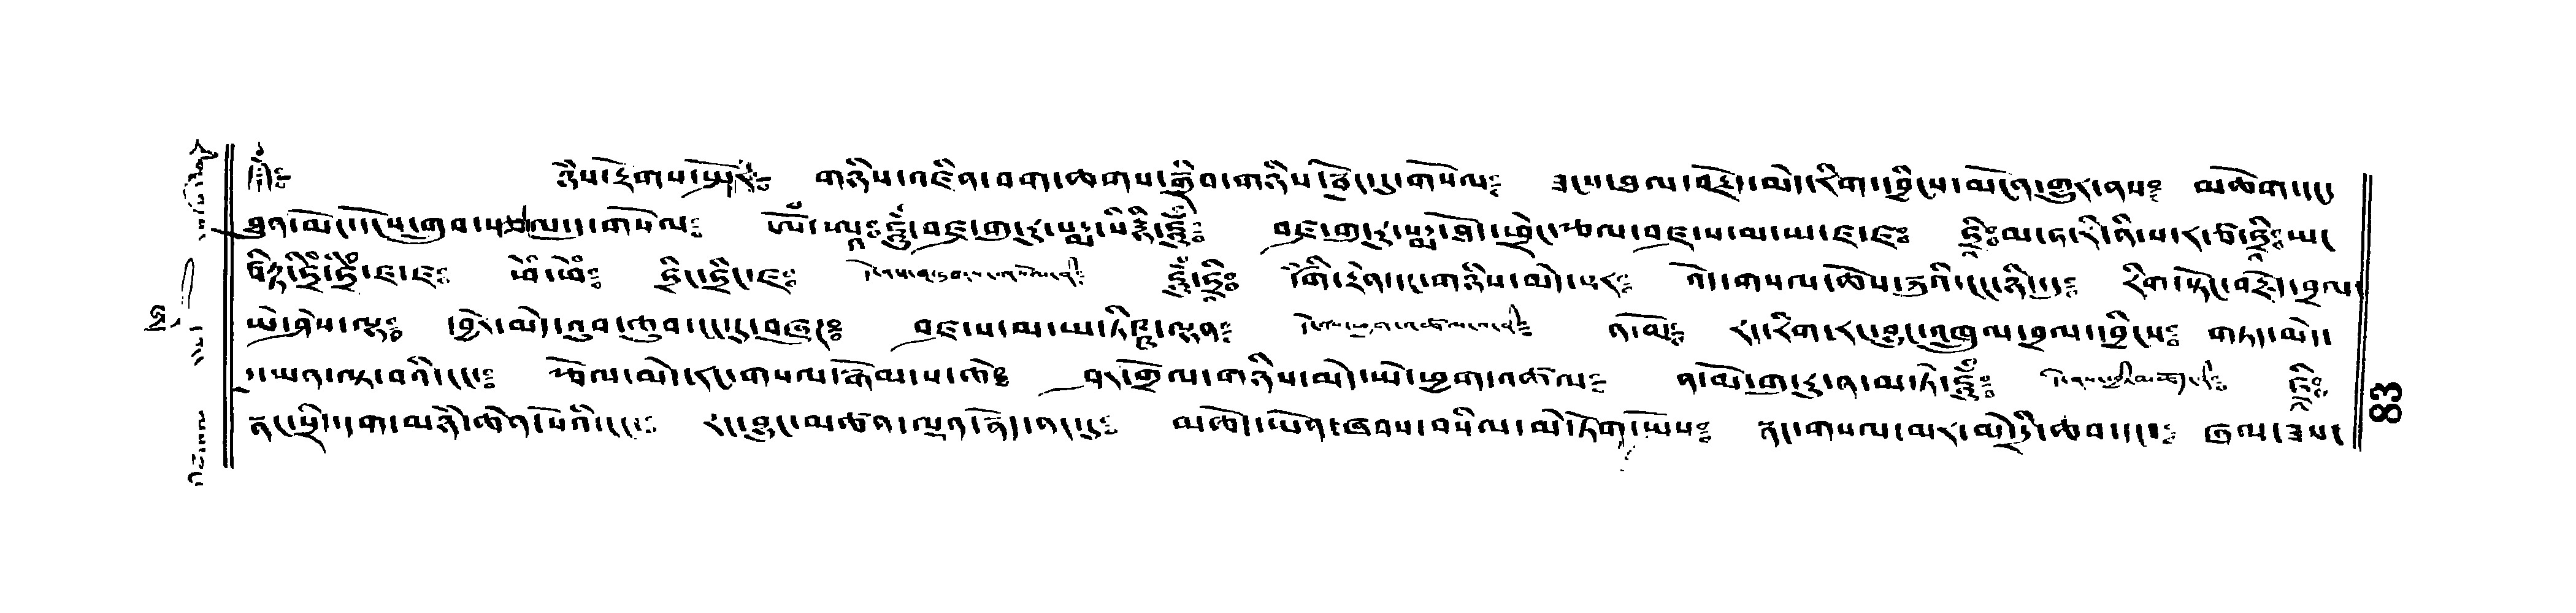ཉམས་རྟོགས་སྤོར༔ གཉིས་འཛིན་བག་ཆགས་སྒྲིབ་གཉིས་སྦྱང་དུ་གསོལ༔ ཟང་ཐལ་བརྗོད་མེད་རིག་དབྱིངས་མངོན་གྱུར་ནས༔ མཆོག་དང་
ཐུན་མོང་དངོས་གྲུབ་བསྩལ་དུ་གསོལ༔ ཨོཾ་ཨཱཿཧཱུྃ་བཛྲ་གུ་རུ་པདྨ་སིདྡྷི་ཧཱུྃ༔ བཛྲ་གུ་རུ་པདྨ་ཐོད་ཕྲེང་རྩལ་བཛྲ་ས་མ་ཡ་ཛ་ཛཿ ཧྲཱིཿམ་ཧ་རི་ནི་ས་ར་ཙ་ཧྲཱིཿཡ་
ཙིཏྟ་ཧྲིཾ་ཧྲིཾ་ཛ་ཛཿ ཕེཾ་ཕེཾ༔ ཧྲིང་ཧྲིང་ཛཿ དེ་ནས་བཞུགས་གསོལ་ནི༔ ཧཱུྃ་ཧྲཱིཿ དམ་ཚིག་རྟེན་དང་གཉིས་མེད་པར༔ འོད་གསལ་ཆོས་སྐུའི་ངང་ཉིད་དུ༔ རིག་སྟོང་བརྗོད་བྲལ་
ཡེ་ཤེས་ལྷ༔ དབྱེར་མེད་འུབ་ཆུབ་ངང་དུ་བཞུགས༔ བཛྲ་ས་མ་ཡ་ཏིཥྛ་ལྡན༔ དེ་ནས་་ཕྱག་འཚལ་བ་ནི༔ ན་མོ༔ རང་རིག་རང་བྱུང་འཁྲུལ་བྲལ་དབྱིངས༔ གཏད་མེད་
རྒྱ་ཡན་ལྟ་བའི་ངང༔ རྩོལ་མེད་རང་གསལ་སྒོམ་པ་ཆེ༔ ཤར་གྲོལ་གཉིས་མེད་ཡེ་ཕྱག་འཚལ༔ ན་མོ་གུ་རུ་ན་མ་ཏེ་ཧཱུྃ༔ དེ་ནས་ཕྱི་མཆོད་ནི༔ ཧྲཱིཿ 
སྣང་སྲིད་དག་མཉམ་ཆེན་པོའི་ངང༔ རང་བྱུང་མཚན་ལྡན་སྣོད་ནང་དུ༔ མཆོད་ཡོན་ཞབས་བསིལ་མེ་ཏོག་སྤོས༔ སྣང་གསལ་མར་མེ་དྲི་ཆབ་དང༔ སྣང་གསལ་མར་མེ་དྲི་ཆབ་དང༔ ཞལ་ཟས་